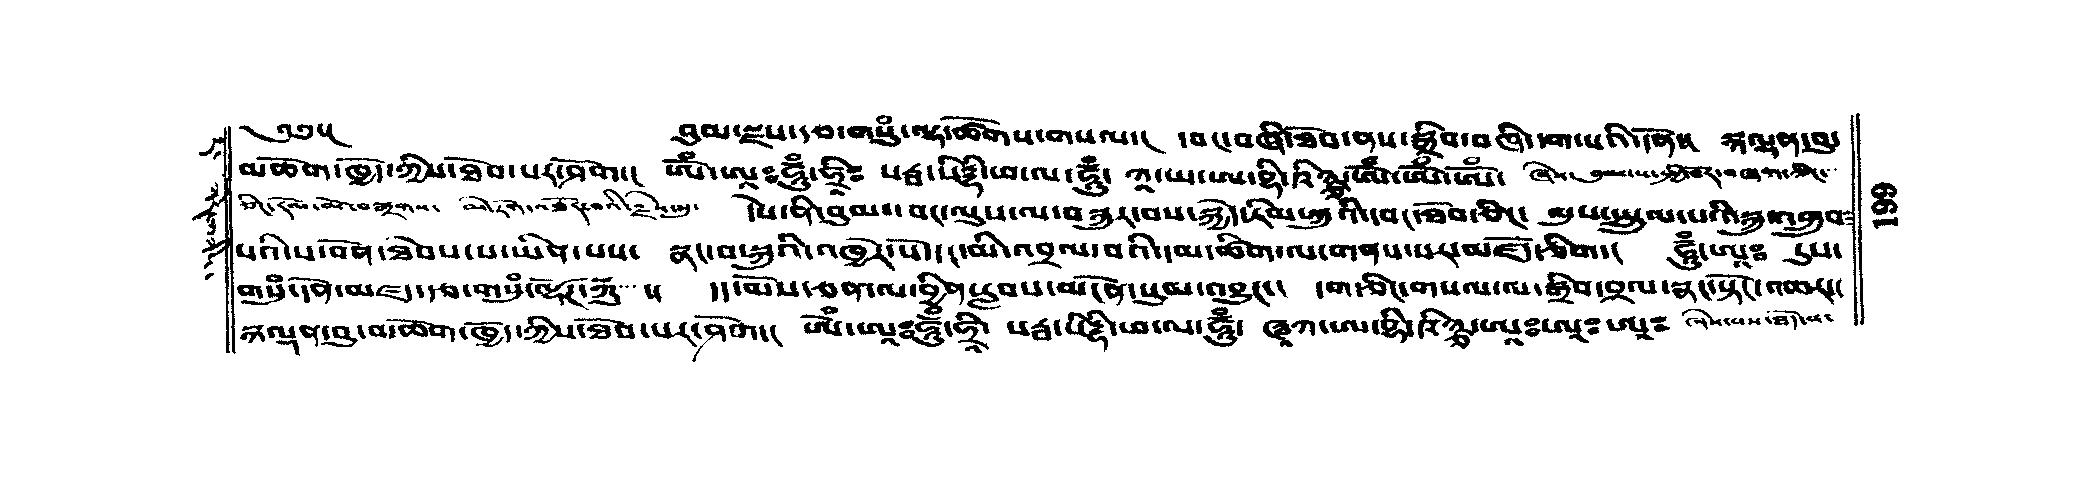བུམ་རྫས་རྩ་གསུམ་ལྷ་ཚོགས་གསལ། དབང་བཞི་ཐོབ་ནས་སྒྲིབ་བཞི་དག་པའི་དོན། སྐལ་ལྡན་བུ་
མཆོག་ཁྱོད་ཀྱིས་ཐོབ་པར་ཤོག ཨོཾ་ཨཱཿཧཱུྃ་ཧྲཱིཿ སརྦ་སིདྡྷི་ཕ་ལ་ཧཱུྃ། ཀཱ་ཡ་ཨ་བྷི་རིཉྩ་ཨོཾ་ཨོཾ་ཨོཾ། ཞེས། བུམ་པ་སྤྱི་བོར་བཞག་ཅིང་
རོལ་མོ་བསྒྲགས། མེ་ཏོག་འཐོར་བའི་རྗེས་སུ། དེས་ནི་བུམ་དབང་ལུས་ལ་བསྐུར་བས་སྐྱེད་རིམ་སྐུའི་དབང་ཐོབ་ཅིང་། ལུས་སྤྲུལ་པའི་སྐུ་འགྲུབ་
པའི་སོ་བོན་ཐེབས་པ་ཡིན་པས། སྣང་བ་སྐུའི་འཁྱེར་པོ་དག་མི་འབྲལ་བའི་དམ་ཚིག་ལ་གནས་པར་མཛོད་ཅིག ཧཱུྃ་ཨཱཿ དུས་
གསུམ་དོན་མཛད་རྩ་གསུམ་ལྷ་ཚོགས་སྐུ། དད་མོས་ཅན་ལ་བྱིན་རླབས་མངོན་སུམ་འབྱུང་། དག་ཅིང་གསལ་ལ་སྒྲིབ་བྲལ་སྣང་སྟོང་འཆར། 
སྐལ་ལྡན་བུ་མཆོག་ཁྱོད་ཀྱིས་ཐོབ་པར་ཤོག ཨོཾ་ཨཱཿཧཱུྃ་ཧྲཱིཿ སརྦ་སིདྡྷི་ཕ་ལ་ཧཱུྃ། ཝཱཀ་ཨ་བྷི་རིཉྩ་ཨཱཿཨཱཿཨཱཿ ཞེས་པས་ཐོད་པ་